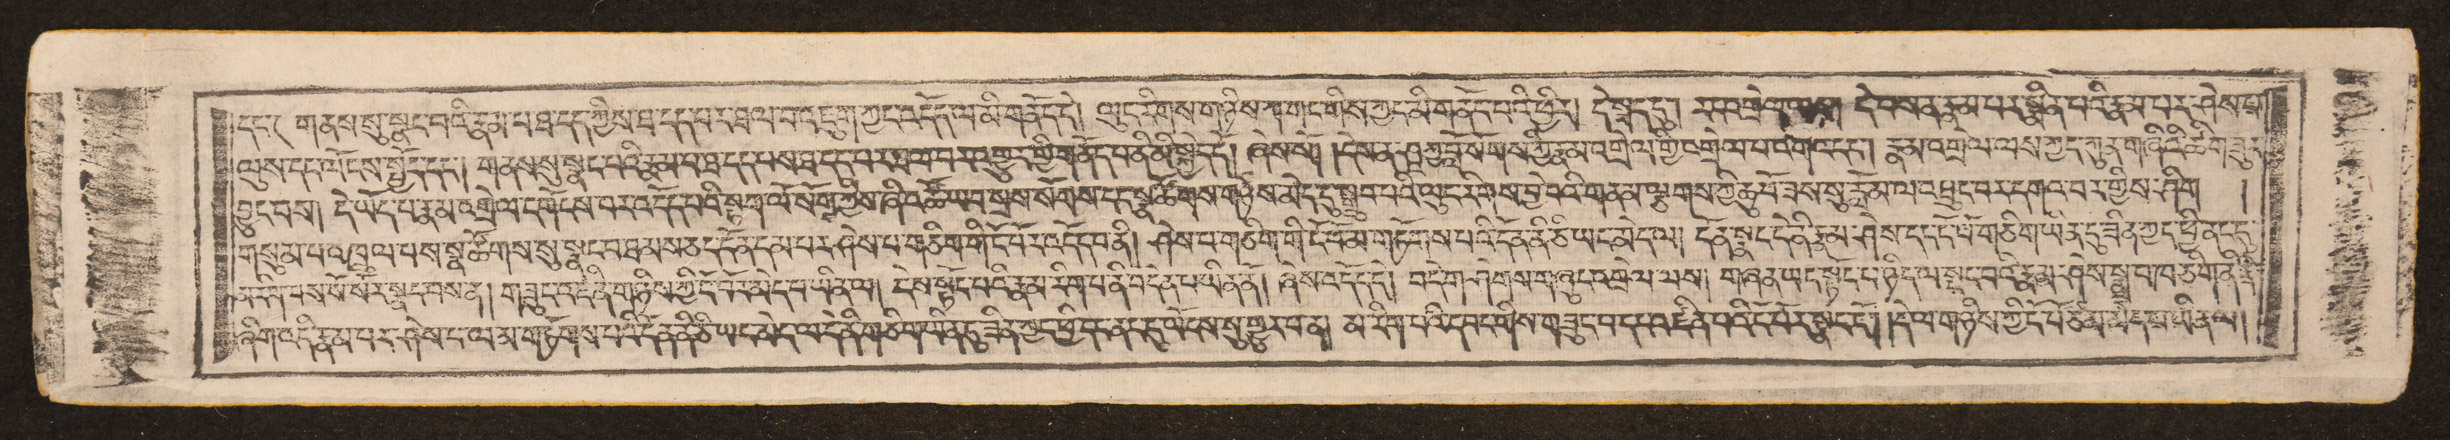དང༑ གནས་སུ་སྣང་བའི་རྣམ་པ་ཐ་དད་ཀྱིས་ཐ་དད་པར་ཐལ་བ་འཇུག་ཀྱང་འདོད་ལ་མི་གནོད་དེ། ལུང་རིགས་གཉིས་ཀ་གང་གིས་ཀྱང་མི་གནོད་པའི་ཕྱིར། དེ་སྐད་དུ། རང་འགྲེལ་ལས། དེ་བས་ན་རྣམ་པར་སྨིན་པའི་རྣམ་པར་ཤེས་པ་
ལུས་དང་ལོངས་སྤྱོད་དང་། གནས་སུ་སྣང་བའི་རྣམ་པ་ཐ་དད་པས་ཐ་དད་པར་ཐལ་བར་འགྱུར་གྱི་གནོད་པ་ནི་མི་སྐྱེད་དོ། ཞེས་སོ། །དེས་ན་ཤཱཀྱ་བློ་སོགས་ཀྱི་རྣམ་འགྲེལ་གྱི་འགྲེལ་བ་འགའ་དང་། རྣམ་འགྲེལ་ལས་ཀྱང་ཀུན་གཞིའི་ཚིག་ཟུར་
བྱུང་བས། དེ་ཡོད་པ་རྣམ་འགྲེལ་དགོངས་པར་འདོད་པའི་སྟག་ལོ་སོགས་ཀྱིས་ཞི་འཚོ་ཡབ་སྲས་སོགས་དང་སྣ་ཚོགས་གཉིས་མེད་དུ་སྒྲུབ་པའི་ལུང་རིགས་བྱེ་བའི་གནམ་ལྕགས་ཀྱི་ཆུ་བོ་ཟས་སུ་རློམ་ལ་འཐུང་བར་དགའ་བར་གྱིས་ཤིག།
གསུམ་པ་འཁྲུལ་པས་སྣ་ཚོགས་སུ་སྣང་བ་ཐམས་ཅད་དོན་དམ་པར་ཤེས་པ་གཅིག་གི་ངོ་བོར་འདོད་པ་ནི། ཤེས་པ་གཅིག་གི་ངོ་བོ་མ་གཏོགས་པའི་དོན་ནི་ཅི་ཡང་མེད་ལ། དོན་སྣང་དེ་ནི་རྣམ་ཤེས་དང་ངོ་པོ་གཅིག་ཡིན་དུ་ཟིན་ཀྱང་ཕྱི་ནང་དུ་
མ་རིག་པས་སོ་སོར་སྣང་བས་ན། གཟུང་འཛིན་གཉིས་ཀྱི་ངོ་བོར་མེད་པ་ཡིན་ལ། དེས་སྟོང་པའི་རྣམ་རིག་པ་ནི་བདེན་པ་ཡིན་ནོ། ཞེས་འདོད་དེ། བདེ་གཤེགས་གཞུང་འགྲེལ་ལས། གཞན་ཡང་སྟོང་པ་ཉིད་ལ་སྡང་བའི་རྣམ་ཤེས་སྨྲ་བ་ཁ་ཅིག་ནི་རེ་
ཞིག་འདི་རྣམ་པར་ཤེས་པ་ལ་མ་གཏོགས་པའི་དོན་ནི་ཅི་ཡང་མེད་ལ་དེ་ནི་གཅིག་ཡིན་དུ་ཟིན་ཀྱང་ཕྱི་དང་ནང་དུ་ཡོངས་སུ་གྱུར་པ་ན། མ་རིག་པའི་དབང་གིས་གཟུང་བ་དང་འཛིན་པའི་ངོ་པོར་སྣང་ངོ། །དེ་ལ་གཉིས་ཀྱི་ངོ་བོ་ཙམ་མེད་པ་ཡིན་ལ།